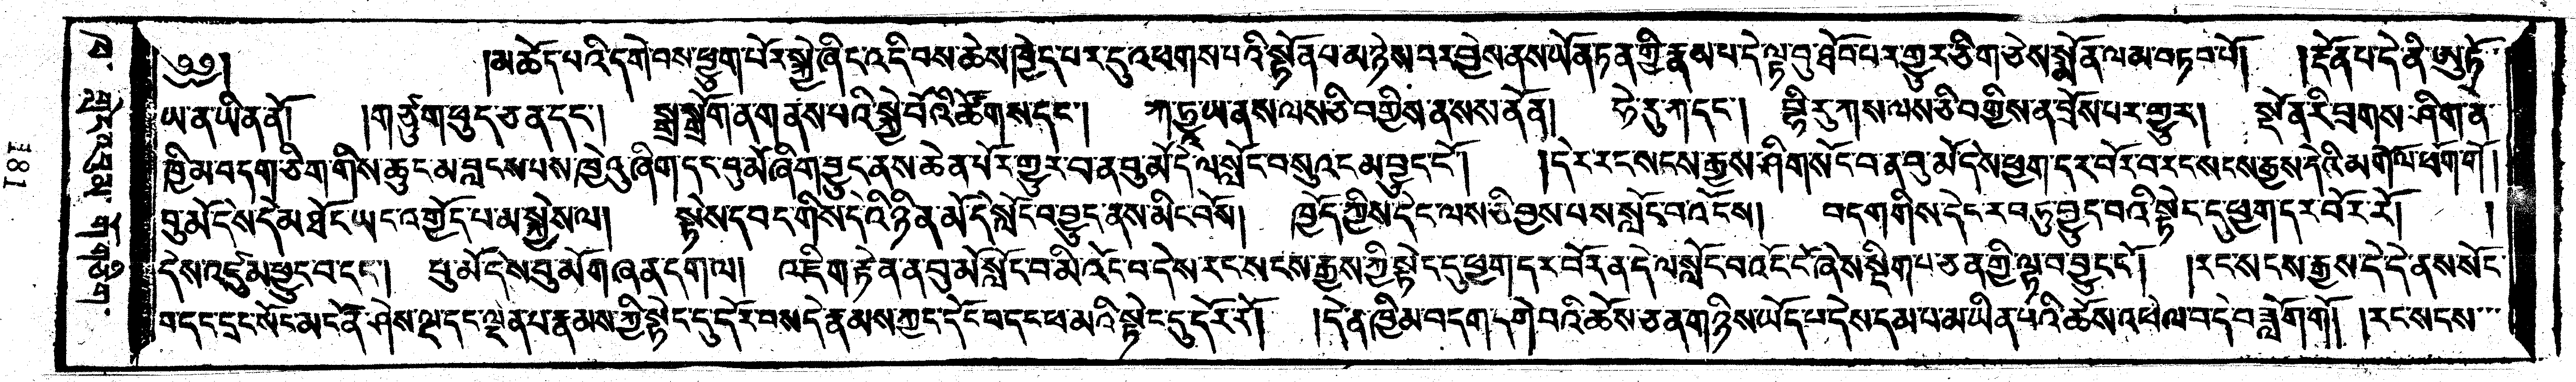༄༅། །མཆོད་པའི་དགེ་བས་ཕྱུག་པོར་སྐྱེ་ཞིང་འདི་བས་ཆེས་ཁྱེད་པར་དུ་འཕགས་པའི་སྟོན་པ་མཉེས་བར་བྱེས་ནས་ཡོན་ཏན་གྱི་རྣམ་པ་དེ་ལྟ་བུ་ཐོབ་པར་གྱུར་ཅིག་ཅེས་སྨོན་ལམ་བཏབ་བོ། །རྡོན་པ་དེ་ནི་ཨུ་ཏོ་
ཡ་ན་ཡིན་ནོ། །གཙུག་ཕུད་ཅན་དང་། སྒྲ་སྒྲོག་ན་གནས་པའི་སྐྱེ་བོའི་ཚོགས་དང་། ཀ་ཏྱཱ་ཡ་ནས་ལས་ཅི་བགྱིས་ན་སས་ནོན། ཧེ་རུ་ཀ་དང་། བྷི་རུ་ཀས་ལས་ཅི་བགྱིས་ན་བྲོས་པར་གྱུར། སྔོན་རི་བྲགས་ཤིག་ན་
ཁྱིམ་བདག་ཅིག་གིས་ཆུང་མ་བླངས་པས་ཁྱེའུ་ཞིག་དང་བུ་མོ་ཞིག་བྱུང་ནས་ཆེན་པོར་གྱུར་བ་ན་བུ་མོ་དེ་ལ་སློང་བ་སུའང་མ་བྱུང་ངོ། །དེར་རང་སངས་རྒྱས་ཤིག་སོང་བ་ན་བུ་མོ་དེས་ཕྱག་དར་བོར་བ་རང་སངས་རྒྱས་དེའི་མགོལ་ཕོག་གོ།
བུ་མོ་དེས་དེ་མཐོང་ཡང་འགྱོད་པ་མ་སྐྱེས་ལ། སྟེས་དབང་གིས་དེའི་ཉིན་མོ་དེ་སློང་བ་བྱུང་ནས་མིང་བོས། ཁྱོད་ཀྱིས་དེང་ལས་ཅི་བྱས་པས་སློང་བ་འོངས། བདག་གིས་དེང་རབ་ཏུ་བྱུང་བའི་སྟེང་དུ་ཕྱག་དར་བོར་རོ། །
དེས་འཛུམ་ཕྱུང་བ་དང་། བུ་མོ་དེས་བུ་མོ་གཞན་དག་ལ། འཇིག་རྟེན་ན་བུ་མོ་སློང་བ་མི་འོང་བ་དེས་རང་སངས་རྒྱས་ཀྱི་སྟེང་དུ་ཕྱག་དར་བོར་ན་དེ་ལ་སློང་བ་འོང་ངོ་ཞེས་སྡིག་པ་ཅན་གྱི་ལྟ་བ་བྱུང་ངོ། །རང་སངས་རྒྱས་དེ་དེ་ནས་སོང་
བ་དང་དྲང་སོང་མངོན་ཤེས་ལྔ་དང་ལྡན་པ་རྣམས་ཀྱི་སྟེང་དུ་དོར་བས་དེ་རྣམས་ཀྱང་དོང་བ་དང་ཕ་མའི་སྟེང་དུ་དོར་རོ། །དེ་ན་ཁྱིམ་བདག་དགེ་བའི་ཆོས་ཅན་གཉིས་ཡོད་པ་དེས་དམ་པ་མ་ཡིན་པའི་ཆོས་འཕེལ་བ་དེ་བཟློག་གོ། །རང་སངས་